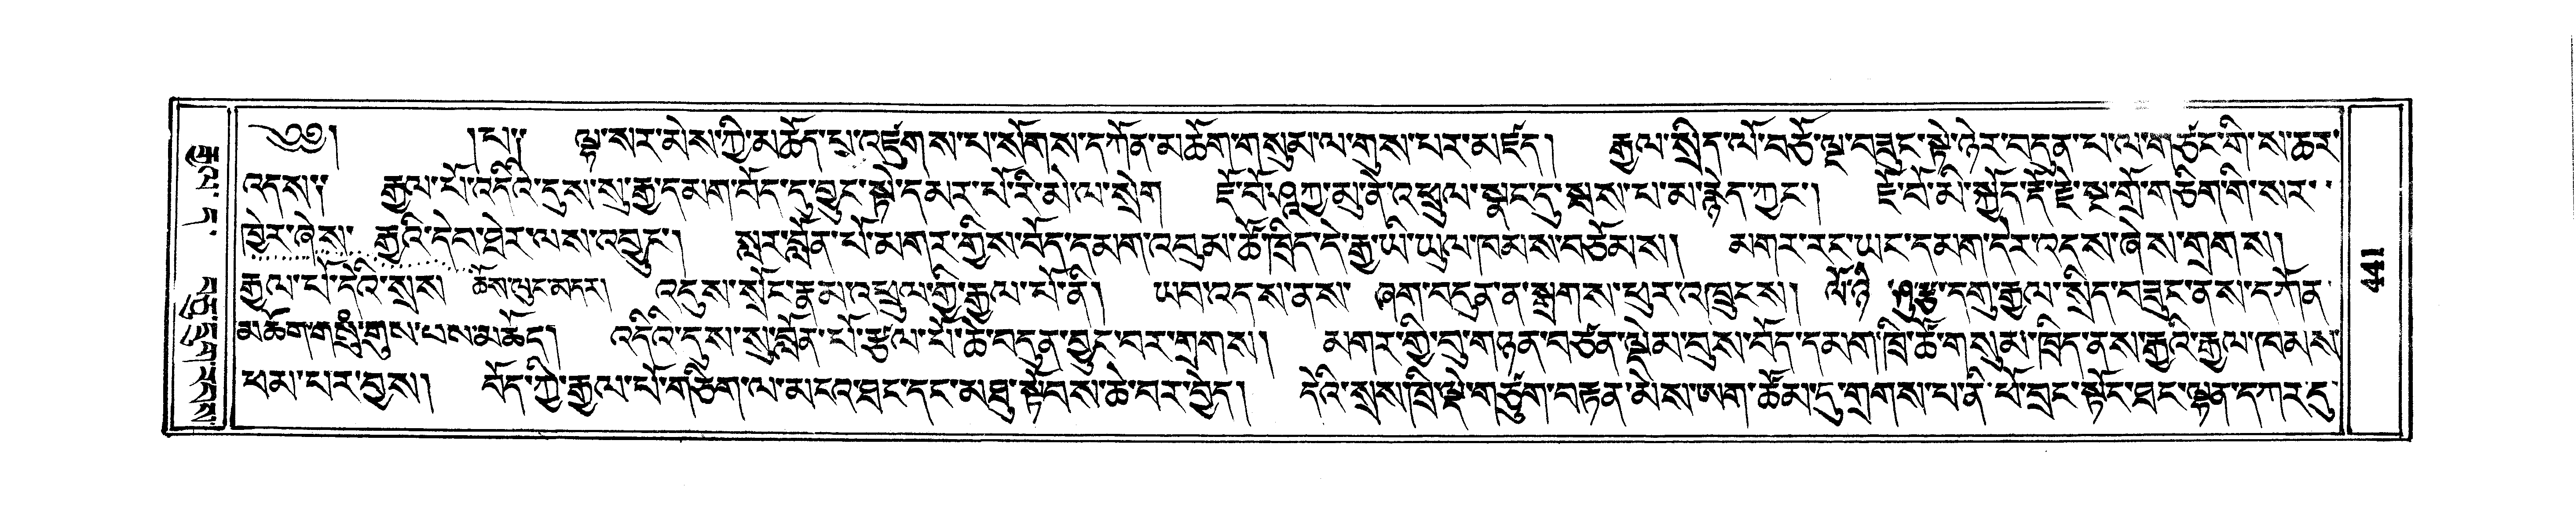༄༅། །པ༑ ལྷ་སར་མེས་ཀྱི་མཆོད་པ་འཛུགས་པ་སོགས་དཀོན་མཆོག་གསུམ་ལ་གུས་པར་མཛད། རྒྱལ་སྲིད་ལོ་བཅོ་ལྔ་བཟུང་སྟེ་ཉེར་བདུན་པ་ལ་གཙང་གི་ས་ཆར་
འདས༑ རྒྱལ་པོ་འདིའི་དུས་སུ་རྒྱ་དམག་བོད་དུ་བྱུང་སྟེ་དམར་པོ་རི་མེ་ལ་སྲེག་ཇོ་བོ་ཤཱཀྱ་མུ་ནེ་འཕྲུལ་སྣང་དུ་སྦས་པ་མ་རྙེད་ཀྱང་། ཇོ་བོ་མི་སྐྱོད་རྡོ་རྗེ་སྔ་གྲོ་གཅིག་གི་སར་
ཁྱེར་ཞེས་རྒྱའི་དེབ་ཐེར་ལས་འབྱུང་། སླར་བློན་པོ་མགར་གྱིས་བོད་དམག་འབུམ་ཚོ་ཁྲིད་དེ་རྒྱ་ཡི་ཡུལ་ཁམས་བཅོམས། མགར་རང་ཡང་དམག་དེར་འདས་ཞེས་གྲགས།
རྒྱལ་པོ་དེའི་སྲས་ཆོས་ལུང་མདར། འདུས་སྲོང་རྣམ་འཕྲུལ་གྱི་རྒྱལ་པོ་ནི། ཡབ་འདས་ནས་ཞག་བདུན་ན་སྒྲགས་ཕུར་འཁྲུངས། ལོ་ཉི་ཤུ་རྩ་དགུ་རྒྱལ་སྲིད་བཟུང་ནས་དཀོན་
མཆོག་གསུཾ་གུས་པས་མཆོད། འདིའི་དུས་སུ་བློན་པོ་རྩལ་པོ་ཆེ་བདུན་བྱུང་བར་གྲགས། མགར་གྱི་བུ་གཉན་བཙན་ལྡེམ་བུས་བོད་དམག་ཁྲི་ཚོ་གསུམ་ཁྲིད་ནས་རྒྱའི་རྒྱལ་ཁམས་
ཕམ་པར་བྱས། བོད་ཀྱི་རྒྱལ་པོ་གཅིག་ལ་མངའ་ཐང་དང་མཐུ་སྟོབས་ཆེ་བར་བྱེད། དེའི་སྲས་ཁྲི་ལྡེ་གཙུག་བརྟན་མེས་ཨག་ཚོམ་དུ་གྲགས་པ་ནི་ཕོ་བྲང་སྟོང་ཐང་ལྷན་དཀར་དུ་